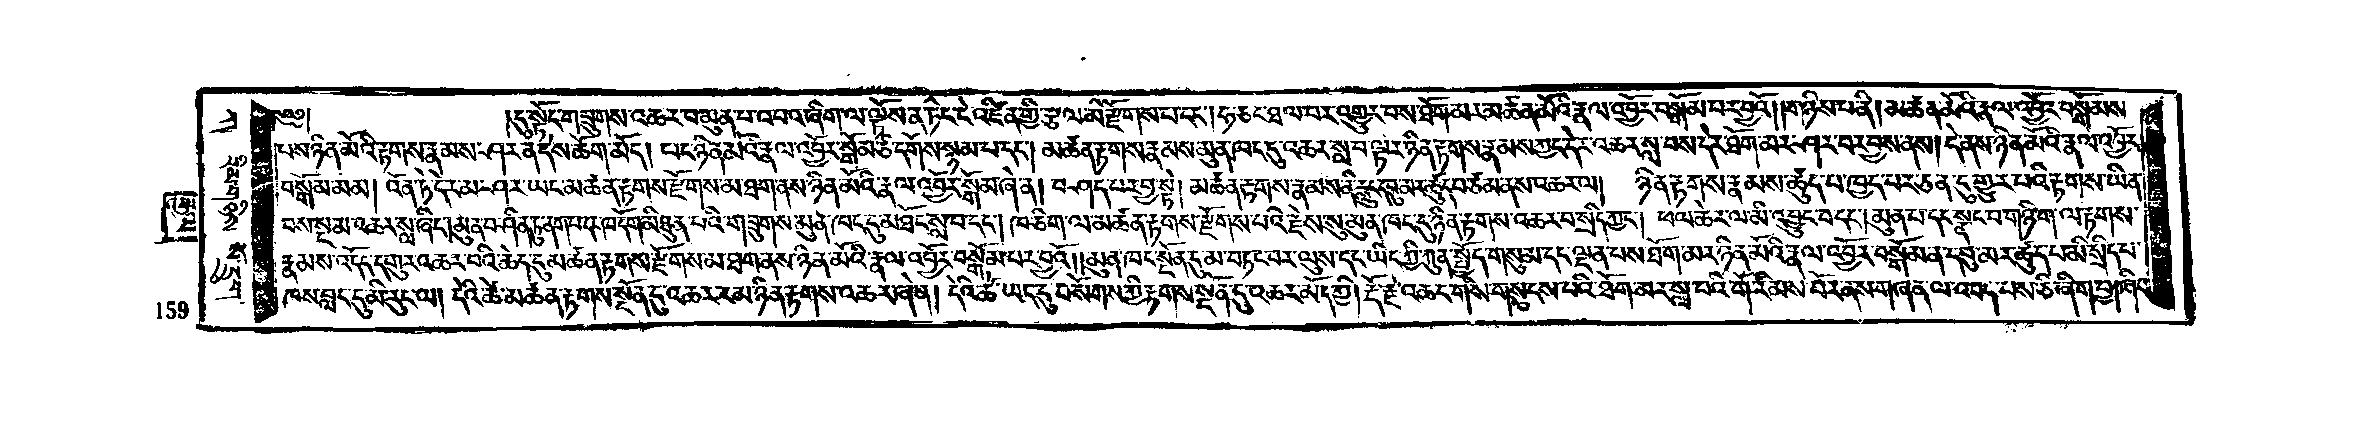༄༅། །དུ་སྟོང་གཟུགས་འཆར་བ་མུན་པ་འབའ་ཞིག་ལ་ལྟོས་ན་ཏིང་ངེ་འཛིན་གྱི་རྩལ་མི་རྫོགས་པ་དང་། ཧ་ཅང་ཐལ་བར་འགྱུར་པས་ཐོག་མར་མཚན་མོའི་རྣལ་འབྱོར་བསྒོམ་པར་བྱའོ། །གཉིས་པ་ནི། མཚན་མོའི་རྣལ་འབྱོར་བསྒོམས་
པས་ཉིན་མོའི་རྟགས་རྣམས་ཤར་ན་དེས་ཆོག་མོད། པང?་ཉིན་མོའི་རྣལ་འབྱོར་སྒོམ་ཅི་དགོས་སྙམ་པ་དང་། མཚན་རྟགས་རྣམས་མུན་ཁང་དུ་འཆར་སླ་བ་ལྟར་ཉིན་རྟགས་རྣམས་ཀྱང་དེར་འཆར་སླ་བས་དེར་ཐོག་མར་ཤར་བར་བྱས་ནས། དེ་ནས་ཉིན་མོའི་རྣལ་འབྱོར་
བསྒོམ་མམ། འོན་ཏེ་དེར་མ་ཤར་ཡང་མཚན་རྟགས་རྫོགས་མ་ཐག་ནས་ཉིན་མོའི་རྣལ་འབྱོར་སྒོམ་ཞེ་ན། བཤད་པར་བྱ་སྟེ། མཚན་རྟགས་རྣམས་ནི་རླུང་དབུ་མར་ཚུད་པ་ཙམ་ནས་འཆར་ལ། ཉིན་རྟགས་རྣམས་ཚུད་པ་ཁྱད་པར་ཅན་དུ་གྱུར་པའི་རྟགས་ཡིན་
པས་སྔ་མ་འཆར་སླ་ཞིང་། མུན་པ་ཤིན་ཏུ་ནག་པ་དང་ཁ་དོག་མི་ཐུན་པའི་གཟུགས་མུན་ཁང་དུ་མཐོང་སླ་བ་དང་། ཁ་ཅིག་ལ་མཚན་རྟགས་རྫོགས་པའི་རྗེས་སུ་མུན་ཁང་དུ་ཉིན་རྟགས་འཆར་བ་སྲིད་ཀྱང་། ཕལ་ཆེར་ལ་མི་འབྱུང་བ་དང་། མུན་པ་དང་སྣང་བ་གཉི་ག་ལ་རྟགས་
རྣམས་འདོད་དགུར་འཆར་བའི་ཆེད་དུ་མཚན་རྟགས་རྫོགས་མ་ཐག་ནས་ཉིན་མོའི་རྣལ་འབྱོར་བསྒོམ་པར་བྱའོ། །མུན་ཁང་སྔོན་དུ་མ་བཏང་བར་ལུས་དང་ཡིད་ཀྱི་ཀུན་སྤྱོད་གསུམ་དང་ལྡན་པས་ཐོག་མར་ཉིན་མོའི་རྣལ་འབྱོར་བསྒོམ་ན་དབུ་མར་ཚུད་པ་མི་སྲིད་པ་
ཁས་བླང་དུ་མི་རུང་ལ། དེའི་ཚེ་མཚན་རྟགས་སྔོན་དུ་འཆར་རམ་ཉིན་རྟགས་འཆར་ཞེ་ན། དེའི་ཚེ་ཡང་དུ་བ་སོགས་ཀྱི་རྟགས་སྔོན་དུ་འཆར་མོད་ཀྱི། རྡོ་རྗེ་འཆང་གིས་གསུངས་པའི་ཐོག་མར་སླ་བའི་གོ་རིམས་བོར་ནས་གཞན་ལ་འབད་པས་ཅི་ཞིག་བྱ། ཞིག་